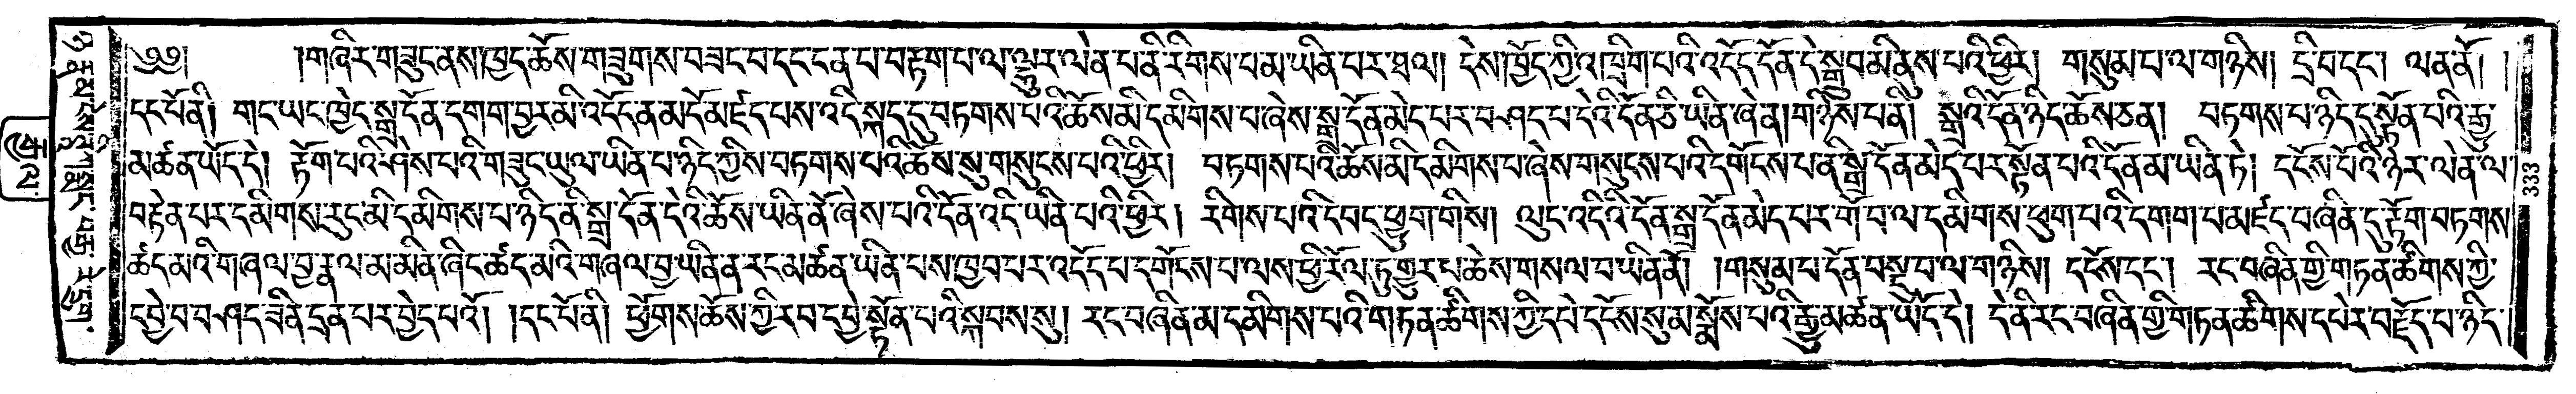༄༅། །གཞིར་གཟུང་ནས་ཁྱད་ཆོས་གཟུགས་བཟང་བ་དང་ངན་པ་བརྟག་པ་ལ་ལྷུར་ལེན་པ་ནི་རིགས་པ་མ་ཡིན་པར་ཐལ། དེས་ཁྱོད་ཀྱི་འཁྲིག་པའི་འདོད་དོན་དེ་སྒྲུབ་མི་ནུས་པའི་ཕྱིར། གསུམ་པ་ལ་གཉིས། དྲི་བ་དང་། ལན་ནོ། །
དང་པོ་ནི། གང་ཡང་ཁྱེད་སྒྲ་དོན་དགག་བྱར་མི་འདོད་ན་མདོ་མཛད་པས་འདི་སྐད་དུ་བཏགས་པའི་ཆོས་མི་དམིགས་པ་ཞེས་སྒྲ་དོན་མེད་པར་བཤད་པ་དེའི་དོན་ཅི་ཡིན་ཞེ་ན། གཉིས་པ་ནི། སྒྲའི་དོན་ཉིད་ཆོས་ཅན། བཏགས་པ་ཉིད་དུ་སྟོན་པའི་རྒྱུ་
མཚན་ཡོད་དེ། རྟོག་པའི་ཤེས་པའི་གཟུང་ཡུལ་ཡིན་པ་ཉིད་ཀྱིས་བཏགས་པའི་ཆོས་སུ་གསུངས་པའི་ཕྱིར། བཏགས་པའི་ཆོས་མི་དམིགས་པ་ཞེས་གསུངས་པའི་དགོངས་པ་ནི་སྒྲ་དོན་མེད་པར་སྟོན་པའི་དོན་མ་ཡིན་ཏེ། དངོས་པོའི་ཉེར་ལེན་ལ་
བརྟེན་པར་དམིགས་རུང་མི་དམིགས་པ་ཉིད་ནི་སྒྲ་དོན་དེའི་ཆོས་ཡིན་ནོ་ཞེས་པའི་དོན་འདི་ཡིན་པའི་ཕྱིར། རིགས་པའི་དབང་ཕྱུག་གིས། ལུང་འདིའི་དོན་སྒྲ་དོན་མེད་པར་གོ་བ་ལ་དམིགས་ཕུག་པའི་དགག་པ་མཛད་བཞིན་དུ་རྟོག་བཏགས་
ཚད་མའི་གཞལ་བྱ་རྣལ་མ་མིན་ཞིང་ཚད་མའི་གཞལ་བྱ་ཡིན་ན་རང་མཚན་ཡིན་པས་ཁྱབ་པར་འདོད་པ་དགོངས་པ་ལས་ཕྱི་རོལ་ཏུ་གྱུར་པ་ཆེས་གསལ་བ་ཡིན་ནོ། །གསུམ་པ་དོན་བསྡུ་བ་ལ་གཉིས། དངོས་དང་། རང་བཞིན་གྱི་གཏན་ཚིགས་ཀྱི་
དབྱེ་བ་བཤད་ཟིན་དྲན་པར་བྱེད་པའོ། །དང་པོ་ནི། ཕྱོགས་ཆོས་ཀྱི་རབ་དབྱེ་སྟོན་པའི་སྐབས་སུ། རང་བཞིན་མ་དམིགས་པའི་གཏན་ཚིགས་ཀྱི་དཔེ་དངོས་སུམ་སྨོས་པའི་རྒྱུ་མཚན་ཡོད་དེ། དེ་ནི་རང་བཞིན་གྱི་གཏན་ཚིགས་དཔེར་བརྗོད་པ་ཉིད་